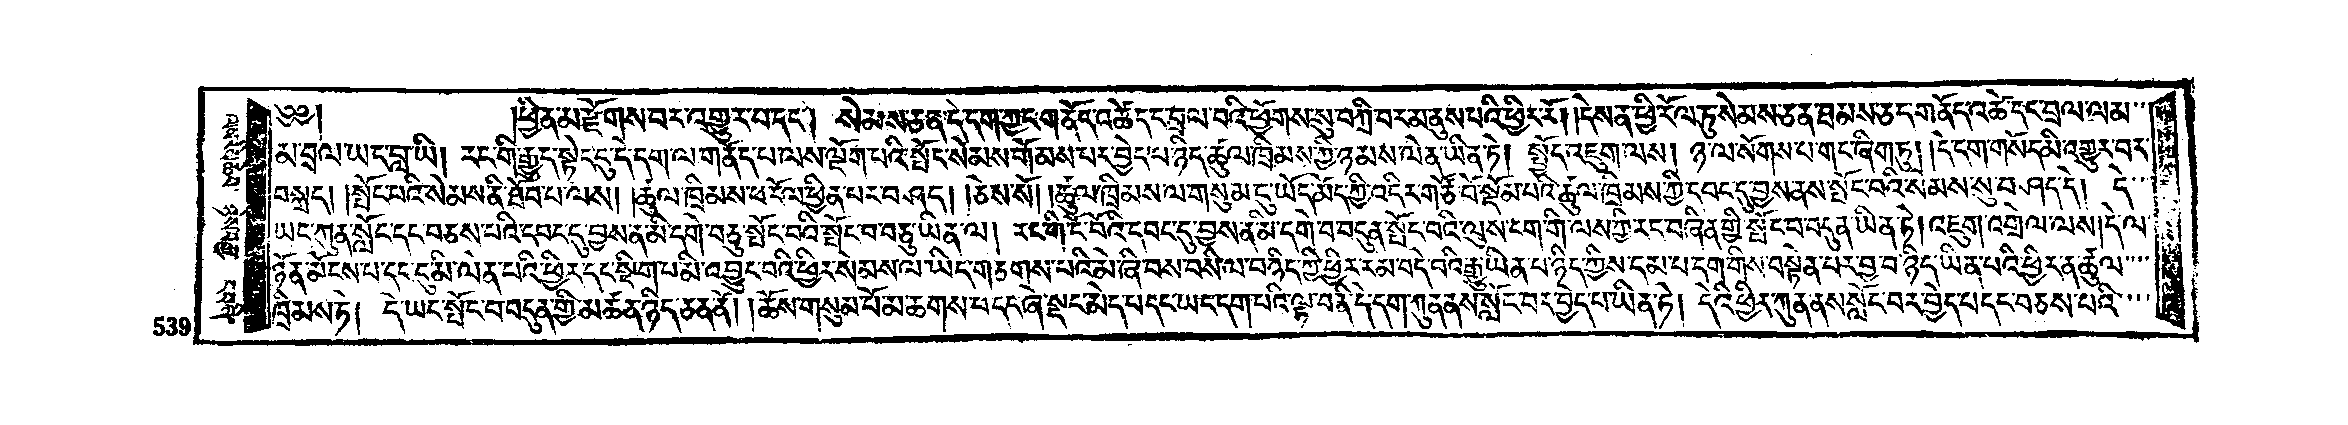༄༅། །ཕྱིན་མ་རྫོགས་པར་འགྱུར་བ་དང་། སེམས་ཅན་དེ་དག་ཀྱང་གནོད་འཚེ་དང་བྲལ་བའི་ཕྱོགས་སུ་བཀྲི་བར་མི་ནུས་པའི་ཕྱིར་རོ། །དེས་ན་ཕྱི་རོལ་ཏུ་སེམས་ཅན་ཐམས་ཅད་གནོད་འཚེ་དང་བྲལ་ལམ་
མ་བྲལ་ཡང་བླ་ཡི། རང་གི་རྒྱུད་སྟེང་དུ་དེ་དག་ལ་གནོད་པ་ལས་ལྡོག་པའི་སྤོང་སེམས་གོམས་པར་བྱེད་པ་ཉིད་ཚུལ་ཁྲིམས་ཀྱི་ཉམས་ལེན་ཡིན་ཏེ། སྤྱོད་འཇུག་ལས། ཉ་ལ་སོགས་པ་གང་ཞིག་ཏུ། །དེ་དག་གསོད་མི་འགྱུར་བར་
བསྐྲད། །སྤོང་བའི་སེམས་ནི་ཐོབ་པ་ལས། །ཚུལ་ཁྲིམས་ཕ་རོལ་ཕྱིན་པར་བཤད། །ཅེས་སོ། །ཚུལ་ཁྲིམས་ལ་གསུམ་དུ་ཡོད་མོད་ཀྱི་འདིར་གཙོ་བོ་སྡོམ་པའི་ཚུལ་ཁྲིམས་ཀྱི་དབང་དུ་བྱས་ནས་སྤོང་བའི་སེམས་སུ་བཤད་དེ། དེ་
ཡང་ཀུན་སློང་དང་བཅས་པའི་དབང་དུ་བྱས་ན་མི་དགེ་བཅུ་སྤོང་བའི་སྤོང་བ་བཅུ་ཡིན་ལ། རང་གི་ངོ་བོའི་དབང་དུ་བྱས་ན་མི་དགེ་བ་བདུན་སྤོང་བའི་ལུས་ངག་གི་ལས་ཀྱི་རང་བཞིན་གྱི་སྤོང་བ་བདུན་ཡིན་ཏེ། འཇུག་འགྲེལ་ལས། དེ་ལ་
ཉོན་མོངས་པ་དང་དུ་མི་ལེན་པའི་ཕྱིར་དང་སྡིག་པ་མི་འབྱུང་བའི་ཕྱིར་སེམས་ལ་ཡིད་གཅགས་པའི་མེ་ཞི་བས་བསིལ་བ་ཉིད་ཀྱི་ཕྱིར་རམ་བདེ་བའི་རྒྱུ་ཡིན་པ་ཉིད་ཀྱིས་དམ་པ་དག་གིས་བསྟེན་པར་བྱ་བ་ཉིད་ཡིན་པའི་ཕྱིར་ན་ཚུལ་
ཁྲིམས་ཏེ། དེ་ཡང་སྤོང་བ་བདུན་གྱི་མཚན་ཉིད་ཅན་ནོ། །ཆོས་གསུམ་པོ་མ་ཆགས་པ་དང་ཞེ་སྡང་མེད་པ་དང་ཡང་དག་པའི་ལྟ་བ་ནི་དེ་དག་ཀུན་ནས་སློང་བར་བྱེད་པ་ཡིན་ཏེ། དེའི་ཕྱིར་ཀུན་ནས་སློང་བར་བྱེད་པ་དང་བཅས་པའི་